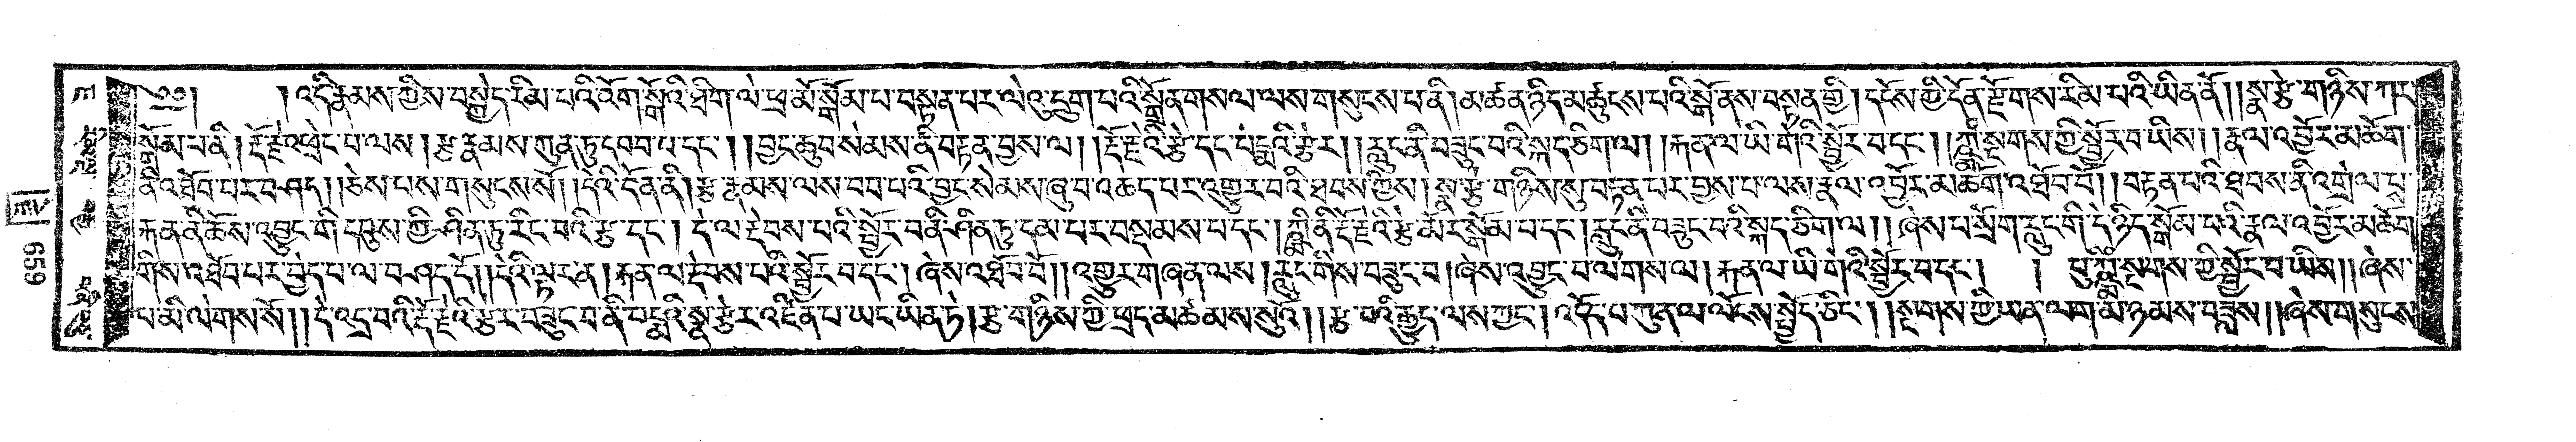༄༅། །འདི་རྣམས་ཀྱིས་བསྐྱེད་རིམ་པའི་འོག་སྒོའི་ཐིག་ལེ་ཕྲ་མོ་སྒོམ་པ་བསྟན་པར་ལེའུ་དྲུག་པའི་སྒྲོན་གསལ་ལས་གསུངས་པ་ནི། མཚན་ཉིད་མཚུངས་པའི་སྒོ་ནས་བསྟན་གྱི། དངོས་ཀྱི་དོན་རྫོགས་རིམ་པའི་ཡིན་ནོ། །སྣ་རྩེ་གཉིས་ཀར་
སྒོམ་པ་ནི། རྡོ་རྗེ་འཕྲེང་བ་ལས། རྩ་རྣམས་ཀུན་ཏུ་དབབ་པ་དང་། །བྱང་ཆུབ་སེམས་ནི་བརྟན་བྱས་ལ། །རྡོ་རྗེའི་རྩེ་དང་པདམའི་རྩེར། །རླུང་ནི་བཟུང་བའི་སྐད་ཅིག་ལ། །རྐན་ལ་ཡི་གེའི་སྦྱོར་བ་དང་། །ཀཥཾ་སྔགས་ཀྱི་སྦྱོར་བ་ཡིས། །རྣལ་འབྱོར་མཆོག་
ནི་འཐོབ་པར་བཤད། །ཅེས་པས་གསུངས་སོ། །དེའི་དོན་ནི། རྩ་རྣམས་ལས་བབ་པའི་བྱང་སེམས་ཞུ་བ་འཆད་པར་འགྱུར་བའི་ཐབས་ཀྱིས། སྣ་རྩེ་གཉིས་སུ་བརྟན་པར་བྱས་པ་ལས་རྣལ་འབྱོར་མཆོག་འཐོབ་བོ། །བརྟན་པའི་ཐབས་ནི་འགྲེལ་པས་
རྐན་ནི་ཆོས་འབྱུང་གི་དབུས་ཀྱི་ཤིན་ཏུ་རིང་བའི་རྩ་དང་། དེ་ལ་རྡེབས་པའི་སྦྱོར་བ་ནི་ཤིན་ཏུ་དམ་པར་བསྡམས་པ་དང་། ཀཥམཾ་ནི་རྡོ་རྗེའི་རྩེ་མོར་སྒོམ་པ་དང་། རླུང་ནི་བཟུང་བའི་སྐད་ཅིག་ལ། །ཞེས་པ་སྲོག་རླུང་གི་དེ་ཉིད་སྒོམ་པའི་རྣལ་འབྱོར་མཆོག་
གིས་འཐོབ་པར་བྱེད་པ་ལ་བཤད་དོ། །དེའི་ལྟར་ན། རྐན་ལ་རྡེབས་པའི་སྦྱེར་བ་དང་། ཞེས་འཐོབ་བོ། །འགྱུར་གཞན་ལས། རླུང་གིས་བཟུང་བ། ཞེས་འབྱུང་བ་ལེགས་ལ། རྐན་ལ་ཡི་གེའི་སྦྱོར་བ་དང་། །པུ་ཀྵྨིཾ་སྔགས་ཀྱི་སྦྱོར་བ་ཡིས། །ཞེས་
པ་མི་ལེགས་སོ། །དེ་འདྲ་བའི་རྡོ་རྗེའི་རྩེར་བཟུང་བ་ནི་པདམའི་སྣ་རྩེར་འཛིན་པ་ཡང་ཡིན་ཏེ། རྩ་གཉིས་ཀྱི་ཕྲད་མཚམས་སུའོ། །རྩ་བའི་རྒྱུད་ལས་ཀྱང་། འདོད་པ་ཀུན་ལ་ལོངས་སྤྱོད་ཅིང་། །སྔགས་ཀྱི་ཡན་ལག་མ་ཉམས་བཟླས། །ཞེས་གསུངས་